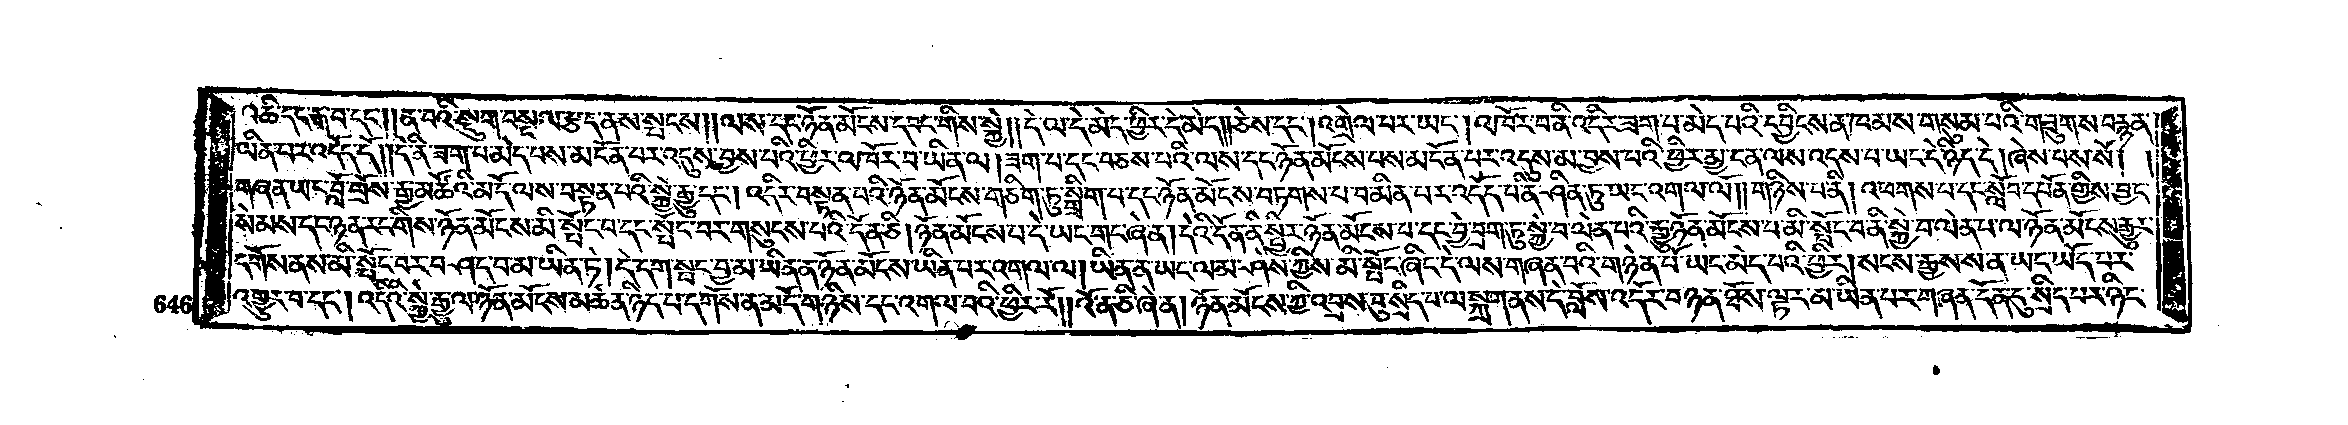འཆི་དང་རྒ་བ་དང་། །ན་བའི་སྡུག་བསྔལ་རྩད་ནས་སྤངས། །ལས་དང་ཉོན་མོངས་དབང་གིས་སྐྱེ། །དེ་ལ་དེ་མེད་ཕྱིར་དེ་མེད། །ཅེས་དང་། འགྲེལ་པར་ཡང་། འཁོར་བ་ནི་འདིར་ཟག་པ་མེད་པའི་དབྱིངས་ན་ཁམས་གསུམ་པའི་གཟུགས་བརྙན་
ཡིན་པར་འདོད་དོ། །དེ་ནི་ཟག་པ་མེད་པས་མངོན་པར་འདུས་བྱས་པའི་ཕྱིར་འཁོར་བ་ཡིན་ལ། ཟག་པ་དང་བཅས་པའི་ལས་དང་ཉོན་མོངས་པས་མངོན་པར་འདུས་མ་བྱས་པའི་ཕྱིར་མྱ་ངན་ལས་འདས་པ་ཡང་དེ་ཉིད་དེ། ཞེས་པས་སོ། །
གཞན་ཡང་བློ་གྲོས་རྒྱ་མཚོའི་མདོ་ལས་བསྟན་པའི་སྐྱེ་རྒྱུ་དང་། འདིར་བསྟན་པའི་ཉོན་མོངས་གཅིག་ཏུ་སྒྲིག་པ་དང་ཉོན་མོངས་བཏགས་པ་བ་མིན་པར་འདོད་པ་ནི་ཤིན་ཏུ་ཡང་འགལ་ལོ། །གཉིས་པ་ནི། འཕགས་པ་དང་སློབ་དཔོན་གྱིས་བྱང་
སེམས་དང་ཉན་རང་གིས་ཉོན་མོངས་མི་སྤོང་བ་དང་སྤོང་བར་གསུངས་པའི་དོན་ཅི། ཉོན་མོངས་པ་དེ་ཡང་གང་ཞེ་ན། དེའི་དོན་ནི་སྤྱིར་ཉོན་མོངས་པ་དང་བྱེ་བྲག་ཏུ་སྐྱེ་བ་ལེན་པའི་རྒྱུ་ཉོན་མོངས་པ་མི་སྤོང་བ་ནི་སྐྱེ་བ་ལེན་པ་ལ་ཉོན་མོངས་རྒྱུར་
དགོས་ནས་མི་སྤོང་བར་བཤད་པ་མ་ཡིན་ཏེ། དེ་དག་སྤང་བྱ་མ་ཡིན་ན་ཉོན་མོངས་ཡིན་པར་འགལ་ལ། ཡིན་ན་ཡང་ལམ་ཤེས་ཀྱིས་མི་སྤོང་ཞིང་དེ་ལས་གཞན་པའི་གཉེན་པོ་ཡང་མེད་པའི་ཕྱིར། སངས་རྒྱས་ས་ན་ཡང་ཡོད་པར་
འགྱུར་བ་དང་། འདིའི་སྐྱེ་རྒྱུ་ལ་ཉོན་མོངས་མཚན་ཉིད་པ་དགོས་ན་མདོ་གཉིས་དང་འགལ་བའི་ཕྱིར་རོ། །འོ་ན་ཅི་ཞེ་ན། ཉོན་མོངས་ཀྱི་འབྲས་བུ་སྲིད་པ་ལ་སྐྲག་ནས་དེ་བློས་འདོར་བ་ཉན་ཐོས་ལྟར་མ་ཡིན་པར་གཞན་དོན་དུ་སྲིད་པར་ཉིད་